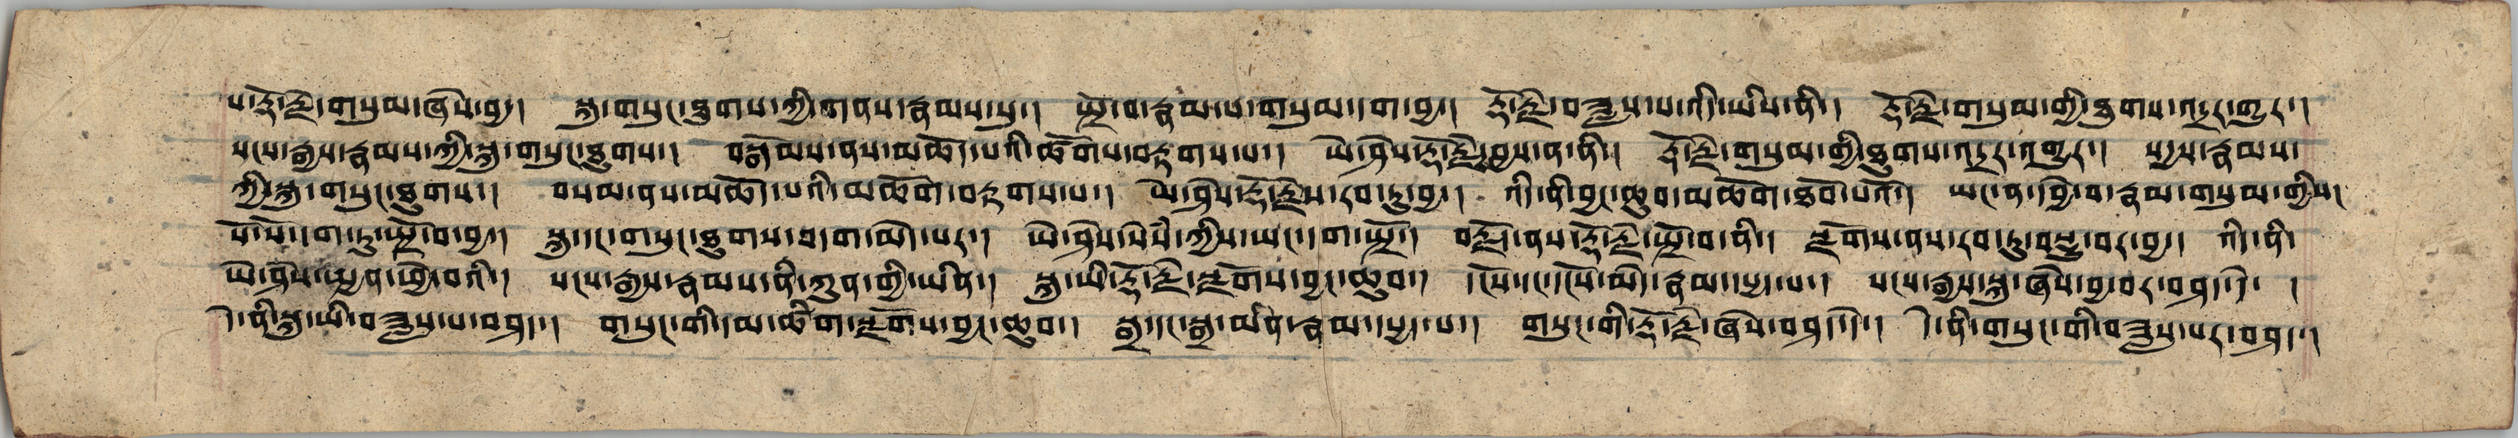པ་རྡོ་རྗེ་གསུམ་ཞེས་བྱ་། སྐུ་གསུང་ཐུགས་ཀྱི་གནས་རྣམས་སུ། སྤྲོ་བ་རྣམ་པ་གསུམ་དག་བྱ་། རྡོ་རྗེ་བཟླས་པ་འདི་ཡིས་ནི་། རྡོ་རྗེ་གསུམ་གྱི་ཐུགས་འདྲར་གྱུར་།
སངས་རྒྱས་རྣམས་ཀྱི་སྐུ་གསུང་ཐུགས་། བསྒོམས་ནས་མཆོད་པའི་ཚོགས་བརྟགས་པ་། ཡེ་ཤེས་རྡོ་རྗེ་བྱས་ན་ནི་། རྡོ་རྗེ་གསུམ་གྱི་ཐུགས་འདྲར་འགྱུར་། སདྱས་རྣམས་
ཀྱི་སྐུ་གསུང་ཐུགས་། བསམ་ནས་མཆོད་པའི་མཆོག་བརྟགས་པ་། ཡེ་ཤེས་རྡོ་རྗེས་རབ་ཏུ་བྱ་། འདི་ནི་བྱང་ཆུབ་མཆོག་ཐོབ་པའོ་། ཡང་ན་དབྱེ་བ་རྣམ་གསུམ་གྱིས།
སོ་སོ་དག་ཏུ་སྤྲོ་བ་བྱ་། སྐུ་དང་གསུང་ཐུགས་བདག་མེད་པར་། ཡེ་ཤེས་སེཾས་ཀྱིས་ཡང་དག་སྤྲོ་། བརྗོད་ནས་རྡོ་རྗེ་སྤྲོ་བ་ནི་། སྫོགས་ནས་རབ་ཏུ་བསྡུ་བར་བྱ་། འདི་ནི་
ཡེ་ཤེས་སྤྱན་ཕྱེ་བའི་། སངས་རྒྱས་རྣམས་ནི་ཀུན་གྱི་ཡིན་། སྐུ་ཡི་རྡོ་རྗེ་སྫོགས་བྱང་ཆུབ་། དངོས་དང་དངོས་མེད་རྣམ་དཔྱད་པ་། སངས་རྒྱས་སྐུ་ཞེས་བྱ་བར་བཤད་དེ་
དེ་ནི་སྐུ་ཡི་བཟླས་པ་བཤད་། གསུང་གི་དམ་ཚིག་སྫོགས་བྱང་ཆུབ་། སྒྲ་དང་སྒྲ་མིན་རྣམ་དཔྱད་པ་། གསུང་གི་རྡོ་རྗེ་ཞེས་བཤད་དེ་། དེ་ནི་གསུང་གི་བཟླས་པར་བཤད་།